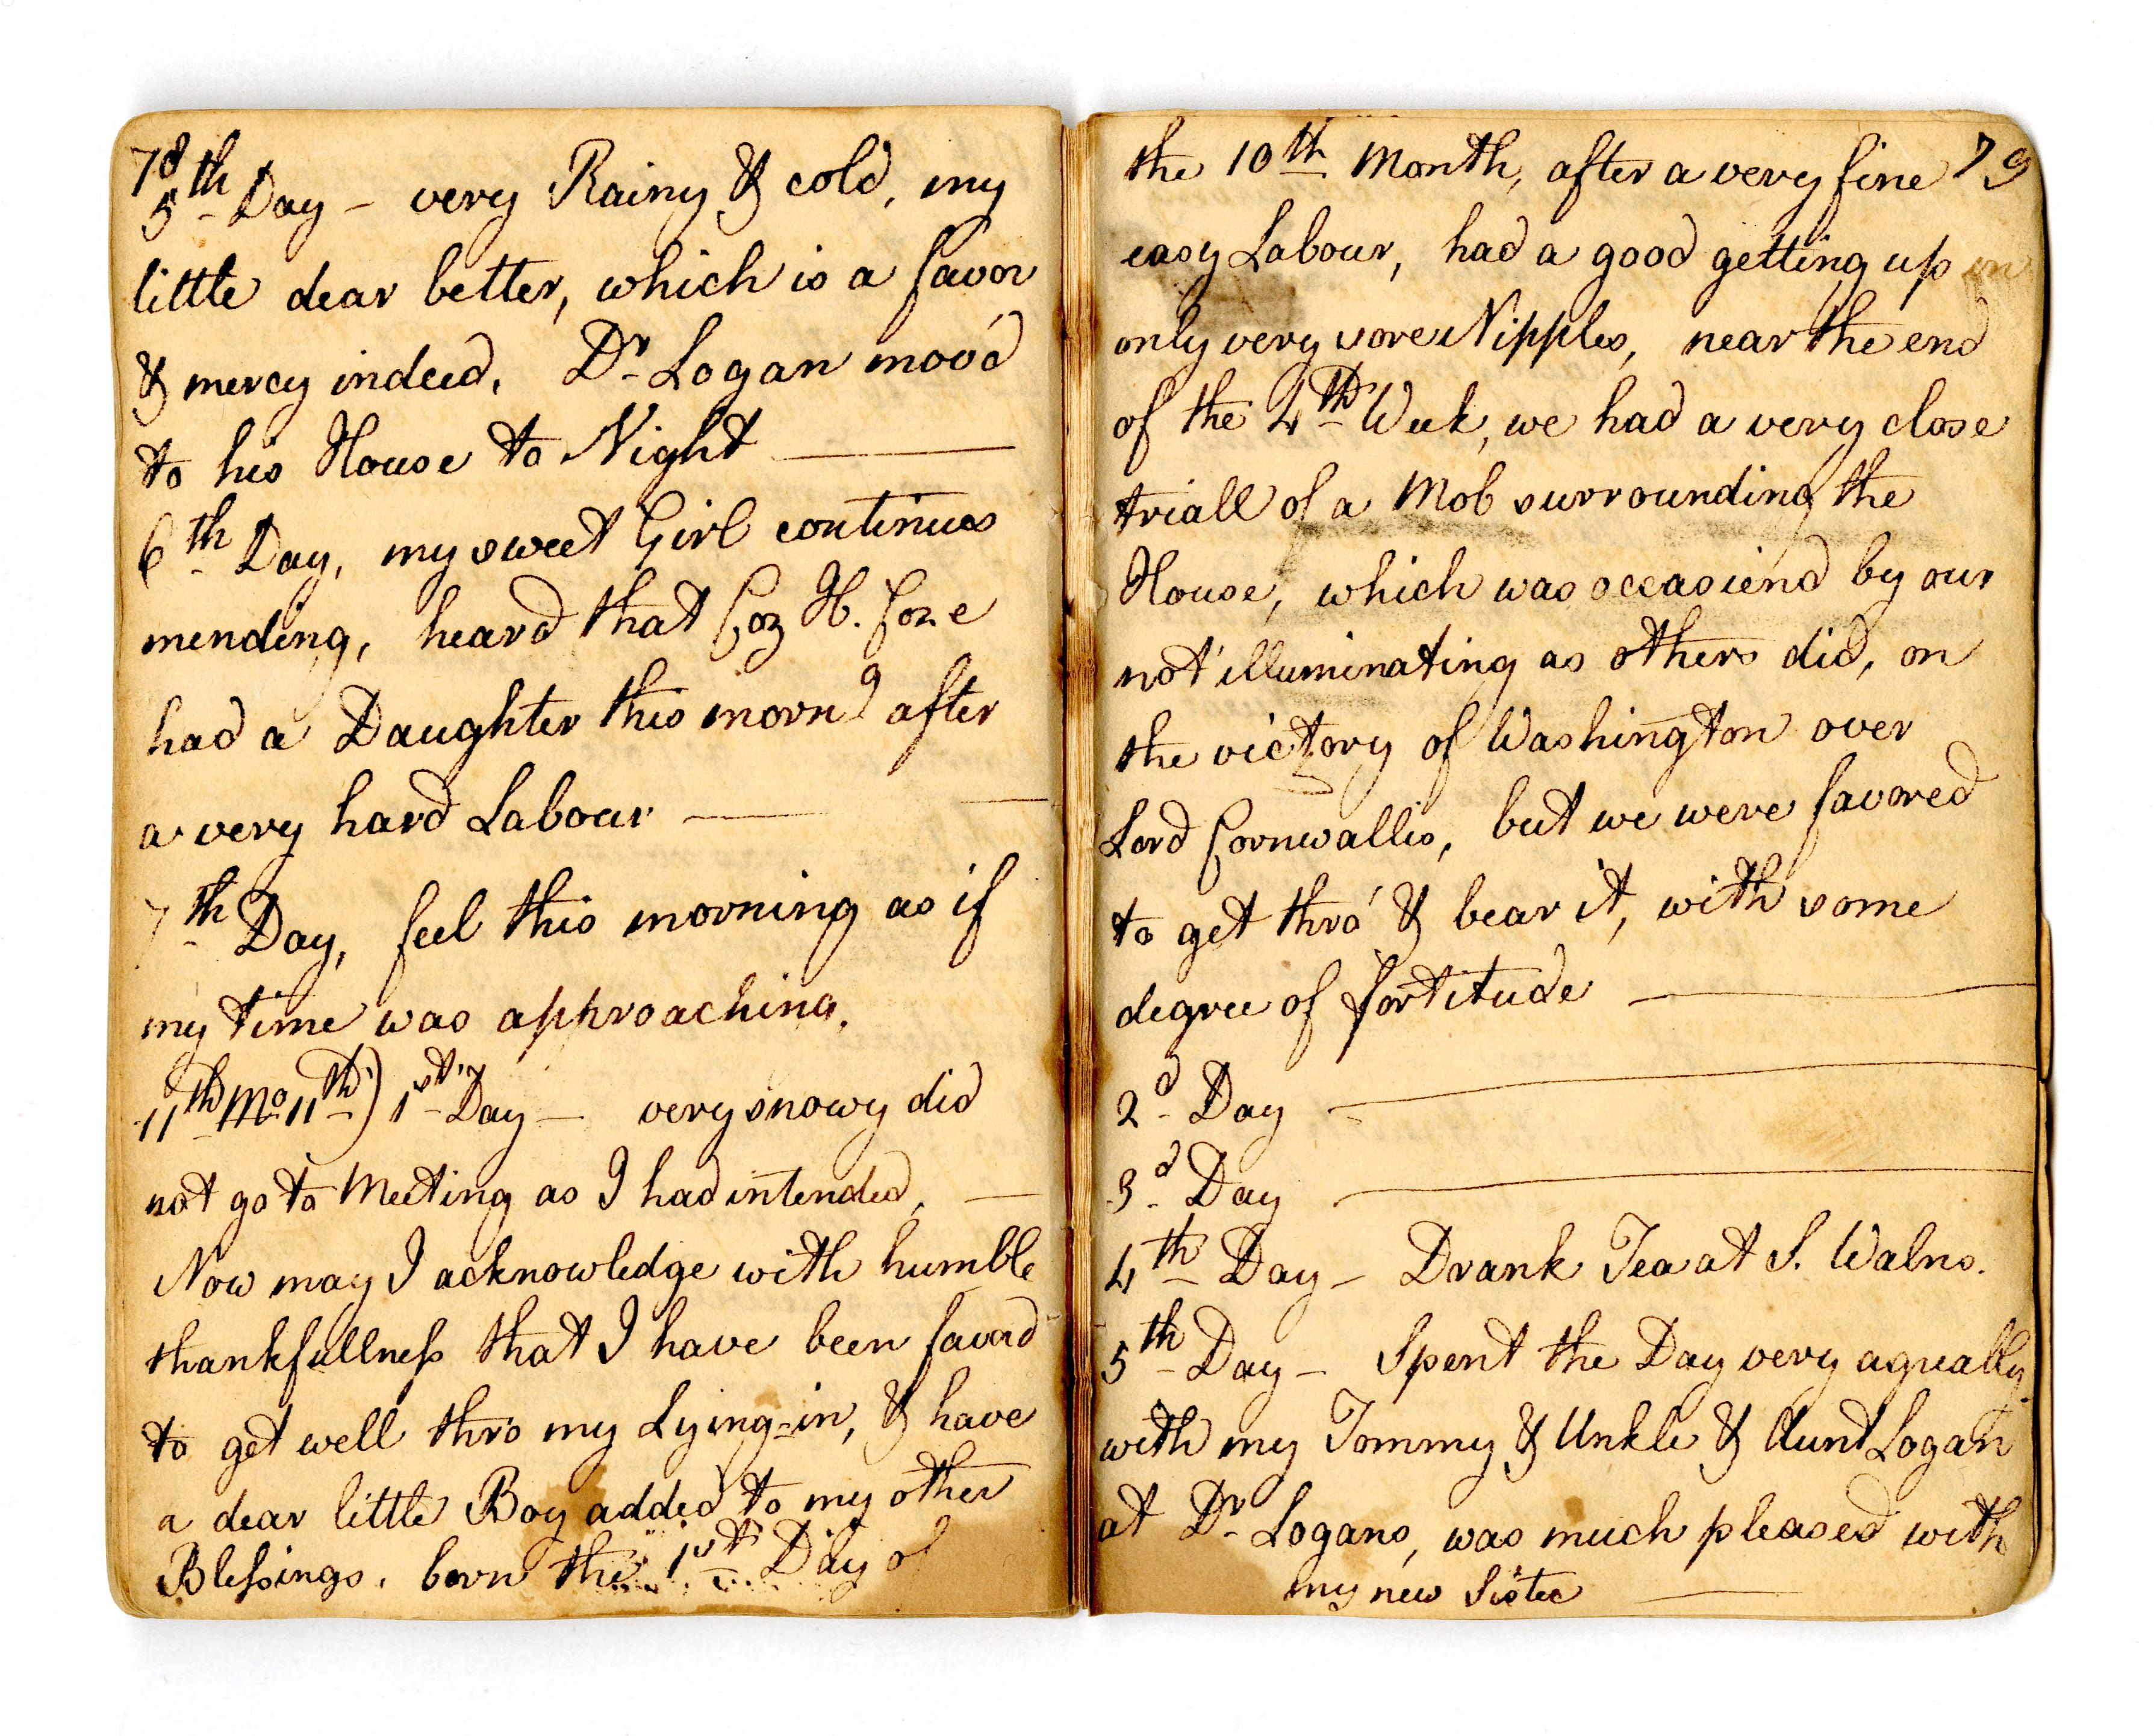5^th Day- very Rainy & cold, my
little dear better, which is a favor
& mercy indeed, D^r- Logan mov'd
to his House to Night
6^th Day, my sweet Girl continues
mending, heard that Coz. H. Coxe
had a Daughter this morn^g after
a very hard Labour
7^th Day, feel this morning as if
my time was approaching,
11^th M^o 11^th) 1^st Day- very snowy did
not go to Meeting as I had intended,-
Now may I acknowledge with humble
thankfullness that I have been favord
to get well thro my Lying in, & have
a dear little Boy added to my other
Blessings, born the 1^st Day of
the 10^th Month, after a very fine
easy Labour, had a good getting up
only very sore Nipples, near the end
of the 4^th Week, we had a very close
triall of a Mob surrounding the
House, which was occasioned by our
not illuminating as others did, on
the victory of Washington over
Lord Cornwallis, but we were favored
to get thro' & bear it, with some
degree of fortitude
2^d- Day
3^d. Day
4^th Day- Drank Tea at S. Walns
5^th Day- Spent the Day very agreably
with my Tommy & Unkle & Aunt Logan
at D^r. Logans, was much pleased with
my new Sister